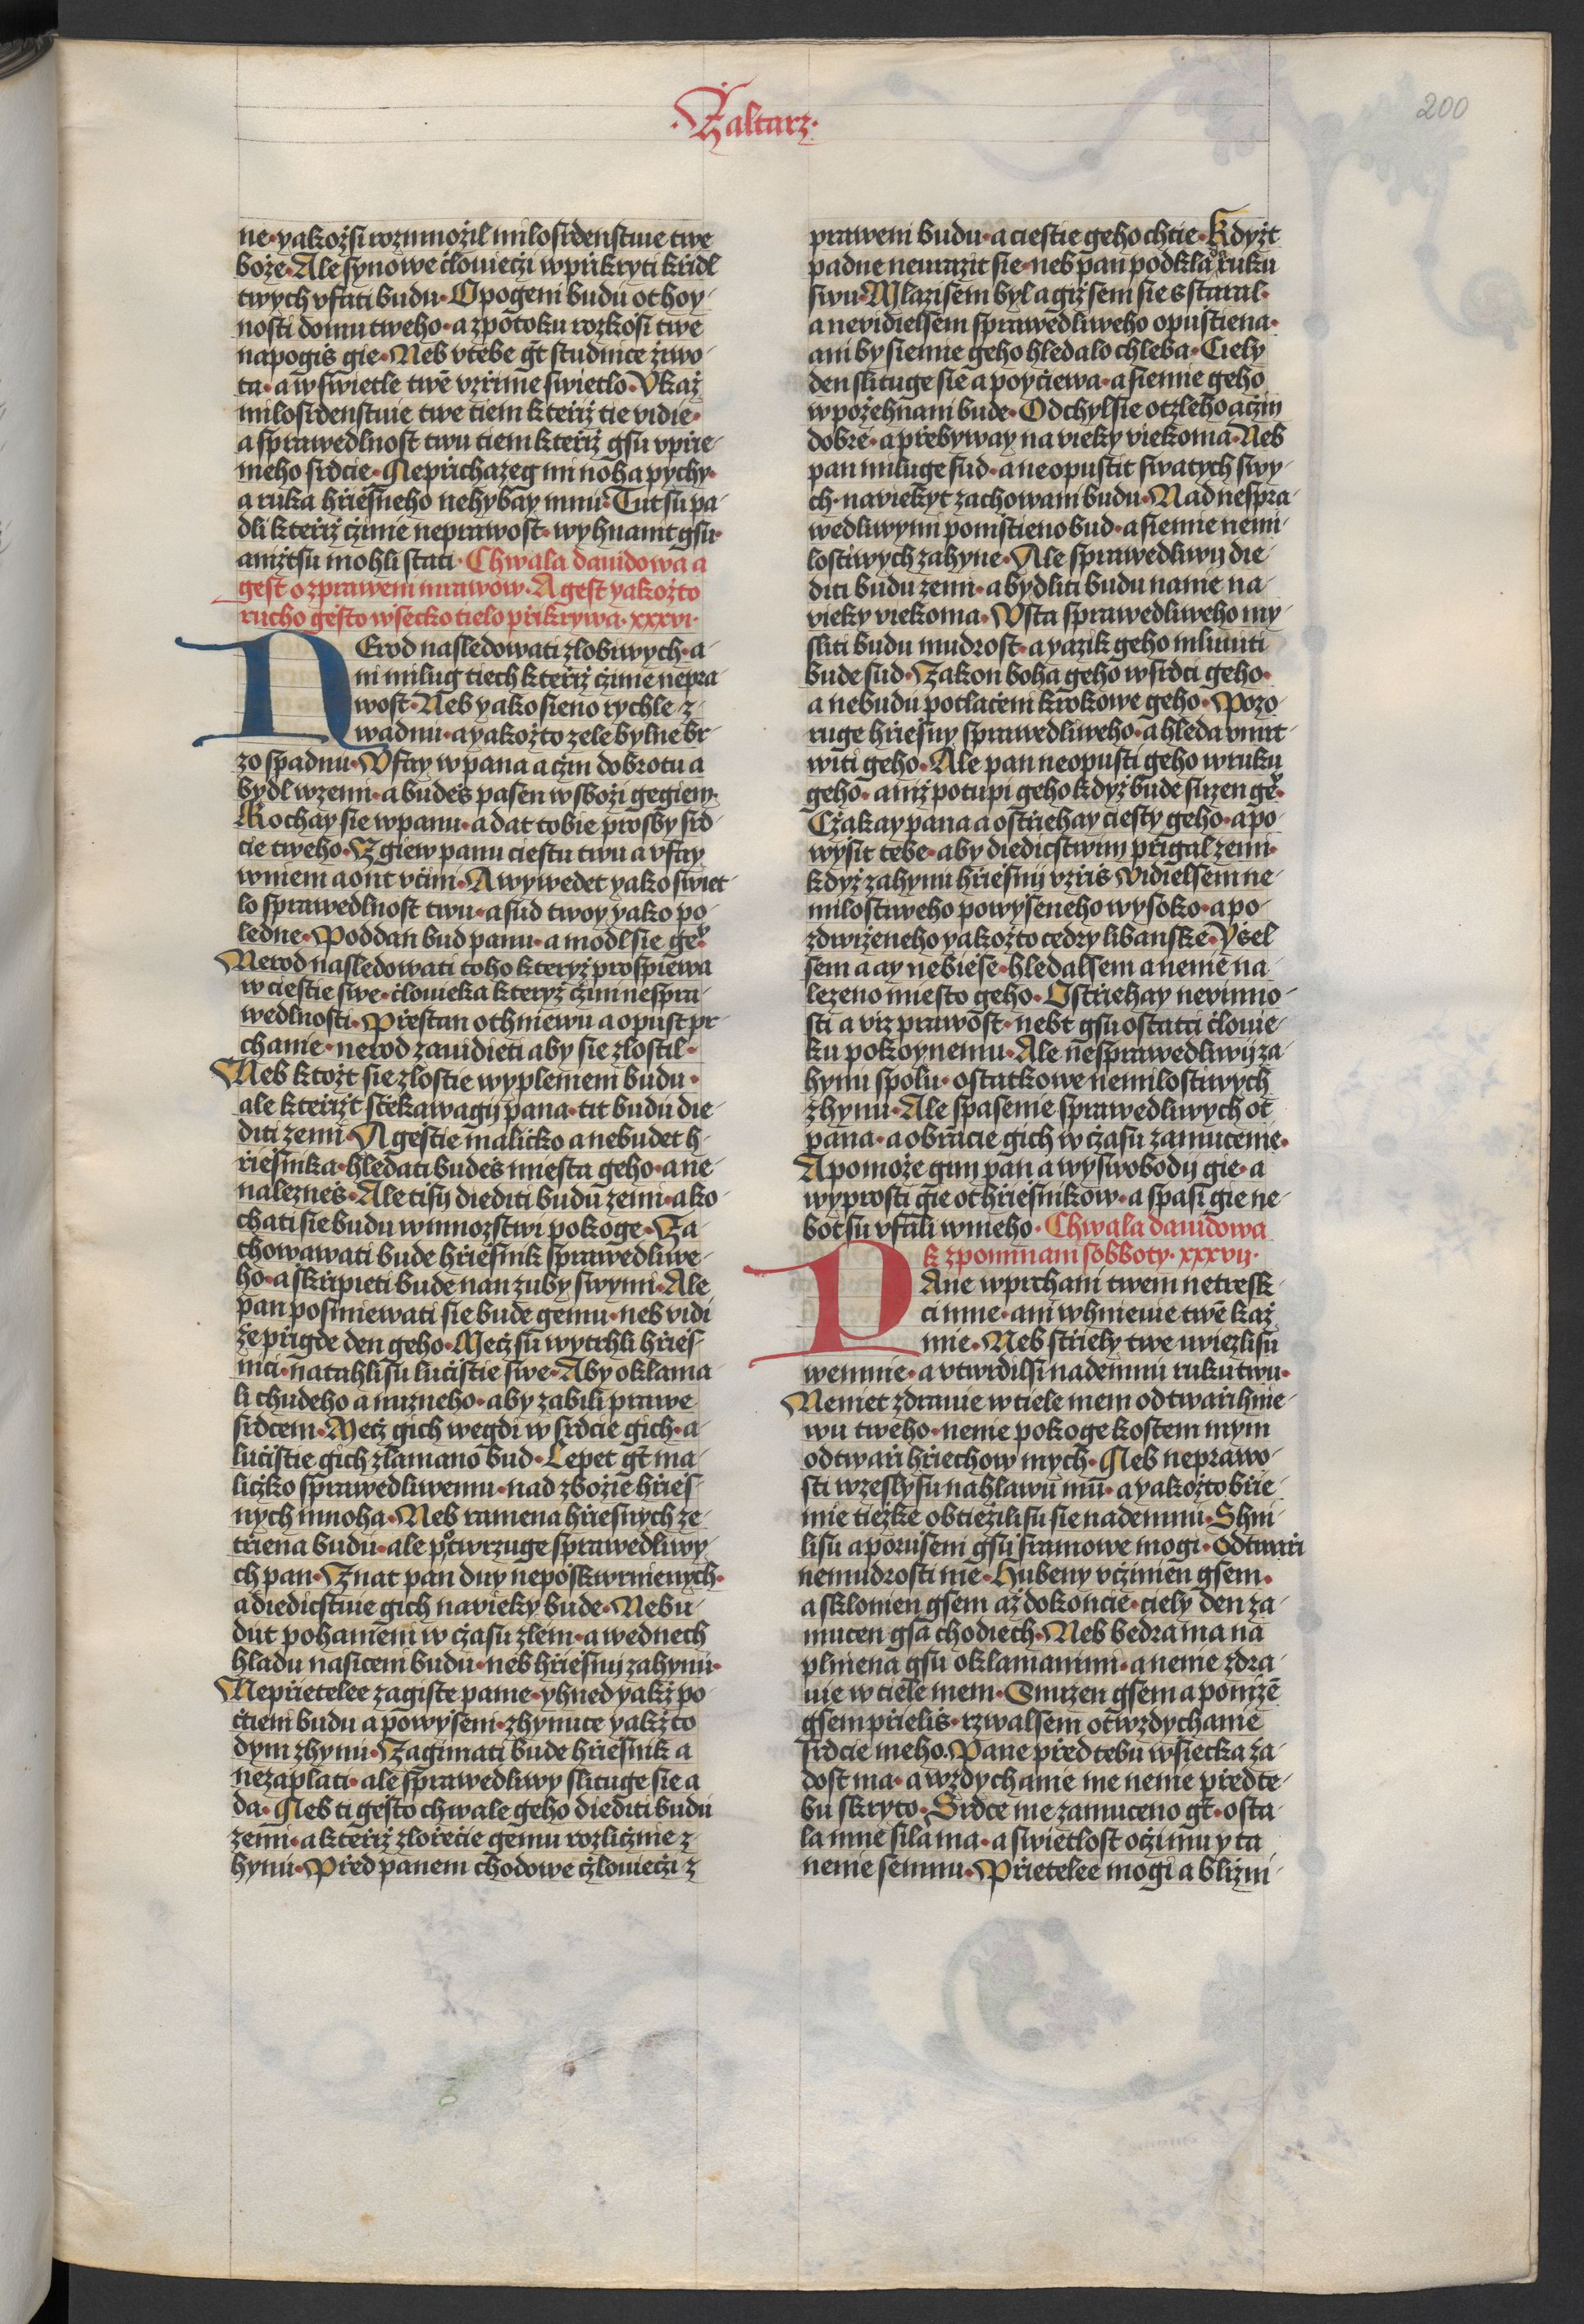.Żaltarz.
ne.yakożſi rozmnożil miloſrdenſtuie twe
boże.Ale ſynowé ċlouiecżi wpṙikryti kṙídl
twych vſati budu.Opogeni budu ot hoy¬
noſti domu tweho.a zpotoku rozkoẛi twe
napogiš gie.Neb vtebe ḡt ſtudnice żiwo¬
ta.a w ſwietle twē vzṙíme ſwietlo.Vkaż
miloſrdenſtuie twe tiem kteṙíż tie vidíe.
a ſprawedlnoſt twu tiem kteṙiż gſu vpṙie¬
meho ſrdcie.Nepṙichazeg mi noha pychy.
a ruka hṙieẛneho nehybay mnú.Tut ſu pa¬
dli kteṙíż cżiníe neprawoſt.wyhnanit gſu.
aníżtſu mohli ſtati.Chwala dauidowa a
geſt ozprawení mrawow.A geſt yakożto
rucho geẛto wẛecko tielo pṙikrywa.xxxvi.
Erod naſledowati zlobiwych.a¬
ni milug tiech kteṙiż cżiníe nepra¬
woſt.Neb yako ſieno rychle z¬
wadni.a yakożto zele bylne br¬
zo ſpadnú.Vſay w pana a cżin dobrotu a
bydl wzemi.a budeṡ paſen w ſbożí gegiem.
Kochay ſie wpanu.a dat tobie proſby ſrd¬
cie tweho.Zgiew panu cieſtu twu a vſay
wniem aont vċiní.A wywedet yako ſwiet¬
lo ſprawedlnoſt twu.a ſud twoy yako po¬
ledne.Poddan bud panu.a modlſie gev
Nerod naſledowati toho kteryż proſpiewa
w cieſtie ſwe.člouíeka kteryż cżiní neſpra¬
wedlnoſti.Pṙeſtan othniewu a opuſt pr¬
chaníe.nerod zauidieti aby ſie zloſtil.
Neb ktożt ſie zloſtie wyplenieni budu.
ale kteṙíżt ſċekawagij pana.tit budú die¬
diti zemi.A geẛtie maliċko a nebudet h¬
ṙíeẛníka.hledati budeṡ míeſta geho.a ne¬
nalezneṡ.Ale tiẛij diediti budu zemi.a ko¬
chati ſie budu wmnozſtwí pokoge.Za¬
chowawati bude hṙieẛník ſprawedliwe¬
ho.a ẛkṙipieti bude nan zuby ſwymi.Ale
pan poſmiewati ſie bude gemu.neb vidí
Że pṙigde den geho.Mecż ſu wytrhli hṙieẛ¬
nici.natahli ſú luċiẛtie ſwe.Aby oklama¬
li chudeho a nuzneho.aby zabili prawe¬
ſrdcem.Mecż gich wegdi w ſrdcie gich.a¬
luċiẛtie gich zlamano bud.Lepet ḡt ma¬
licŻko ſprawedliwemu.nad zboŻie hṙieẛ¬
nych mnoha.Neb ramena hṙíeẛnych ze¬
tṙiena budú.ale potwrzuge ſprawedliwy¬
ch pan.Znat pan duy nepoẛkwrnienych.
a diedicſtuíe gich navieky bude.Nebu¬
dút pohaníeni w cżaſu zlém.a wednech
hladu naſiceni budu.neb hṙíeẛnij zahynú.
Nepṙíetelee zagiſte panie.yhnedyakż po¬
ċtieni budu a powyẛeni.zhynuce yakŻ to
dym zhynú.Zagimati bude hṙieẛník a
nezaplatí.ale ſprawedliwy ſlituge ſie a
da.Nieb ti geẛto chwale geho diediti budú
zemí.a kteṙíż zloṙeċíe gemu rozlicżnie z¬
hynú.Pṙed panem chodowe cżlouíecżí z¬
praweni budu.a cieſtie geho chtíe.Kdyżt
padne neurazit ſie.neb pan podklada ruku
ſwu.Mlaziſem byl a giŻ ſem ſie sſtaral.
a newidielſem ſprawedliweho opuẛtiena.
ani by ſiemie geho hledalo chleba.Ciely
den ſlituge ſie a poyċíewa.a ſiemie geho
w pożehnaní bude.Odchylſie otzleho acżin
dobré.a pṙebyway na vieky viekoma.Neb
pan miluge ſud.a neopuſtit ſwatych ſwy¬
ch.nawiekyt zachowaní budu.Nad neſpra¬
wedliwymi pomẛtieno bud.a ſiemie nemí¬
loſtiwych zahyne.Ale ſprawedliwy die¬
diti budu zemi.abydliti budu naníe na¬
vieky viekoma.Vſta ſprawedliweho my¬
ſliti budu mudfoſt.a yazik geho mluuiti¬
bude ſud.Zakon boha geho wſrdci geho.
a nebudu potlaċeni krokowe geho.Pozo¬
ruge hṙieẛny ſprawedliweho.a hleda vmrt¬
witi geho.Ale pan neopuſtí geho wruku
geho.aníż potupí geho kdyż bude ſuzen gev
Cżakay pana a oſtṙiehay cieſty geho.a po¬
wyẛit tebe.aby diedicſtwím pṙigal zemi.
kdyż zahynú hṙieẛnij vzṙiṡ Vidielſem ne¬
miloſtiweho powyẛeneho wyſoko.a po¬
zdwrżeneho yakożto cedry libanſke.Yṡel
ſem a ay nebíeẛe.hledalſen a neníe na¬
lezeno míeſto geho.Oſtṙiehay nevinno¬
ſti a viz prawoſt.nebt gſu oſtatci ċlouie¬
ku pokoynemu.Ale neſprawedliwij za¬
hynú ſpolu.oſtatkowe nemiloſtiwych
zhynu.Ale ſpaſeníe ſprawedliwych ot
pana.a obracie gich w cżaſu zamuceníe.
Apomoże gim pan a wyſwobodij gie.a
wyproſtí gie ot hṙíeẛníkow.a ſpaſi gie ne¬
botſu vfali wmeho.Chwala dauidowa
k zpomínaní ſobboty.xxxvij.
Ane wprchaní twem netreſk¬
ci mne.ani whnieuie twē każ¬
mie.Neb ſtṙiely twe uvíezliſu
wemnie.a vtwrdilſi nademnú ruku twu.
Neníet zdrauíe w tiele mem od twaṙi hnie¬
wu tweho.neníe pokoge koſtem mym
odtwaṙi hṙiechow mych.Neb neprawo¬
ſti wzeſlyſu nahlawu mu.a yakożto bṙíe¬
mie tieżke obtieżiliſu ſie nademnú.Shni¬
liſu a poruẛení gſu ẛramowe mogi.Odtwaṙi
nemudroſti nie.Hubeny vcżinien gſem.
a ſkloníen gſem aż dokoncie.ciely den za¬
mucen gſa chodiech.Neb bedza ma na
plniena gſu oklamaními.a neníe zdra¬
uíe w tiele mem.Snuzen gſem a ponízē
gſem pṙíeliṡ.rzwalſem otwzdychaníe
ſrdcie meho.Pane pṙed tebu wẛiecka za¬
doſt ma.a wzdychanie me neníe pṙedte¬
bu ſkryto.Srdce me zamuceno ḡt.oſta¬
la mne ſila ma.a ſwietloſt ocżí mu y ta
neníe ſemnu.Pṙietelee mogi a bliżní¬